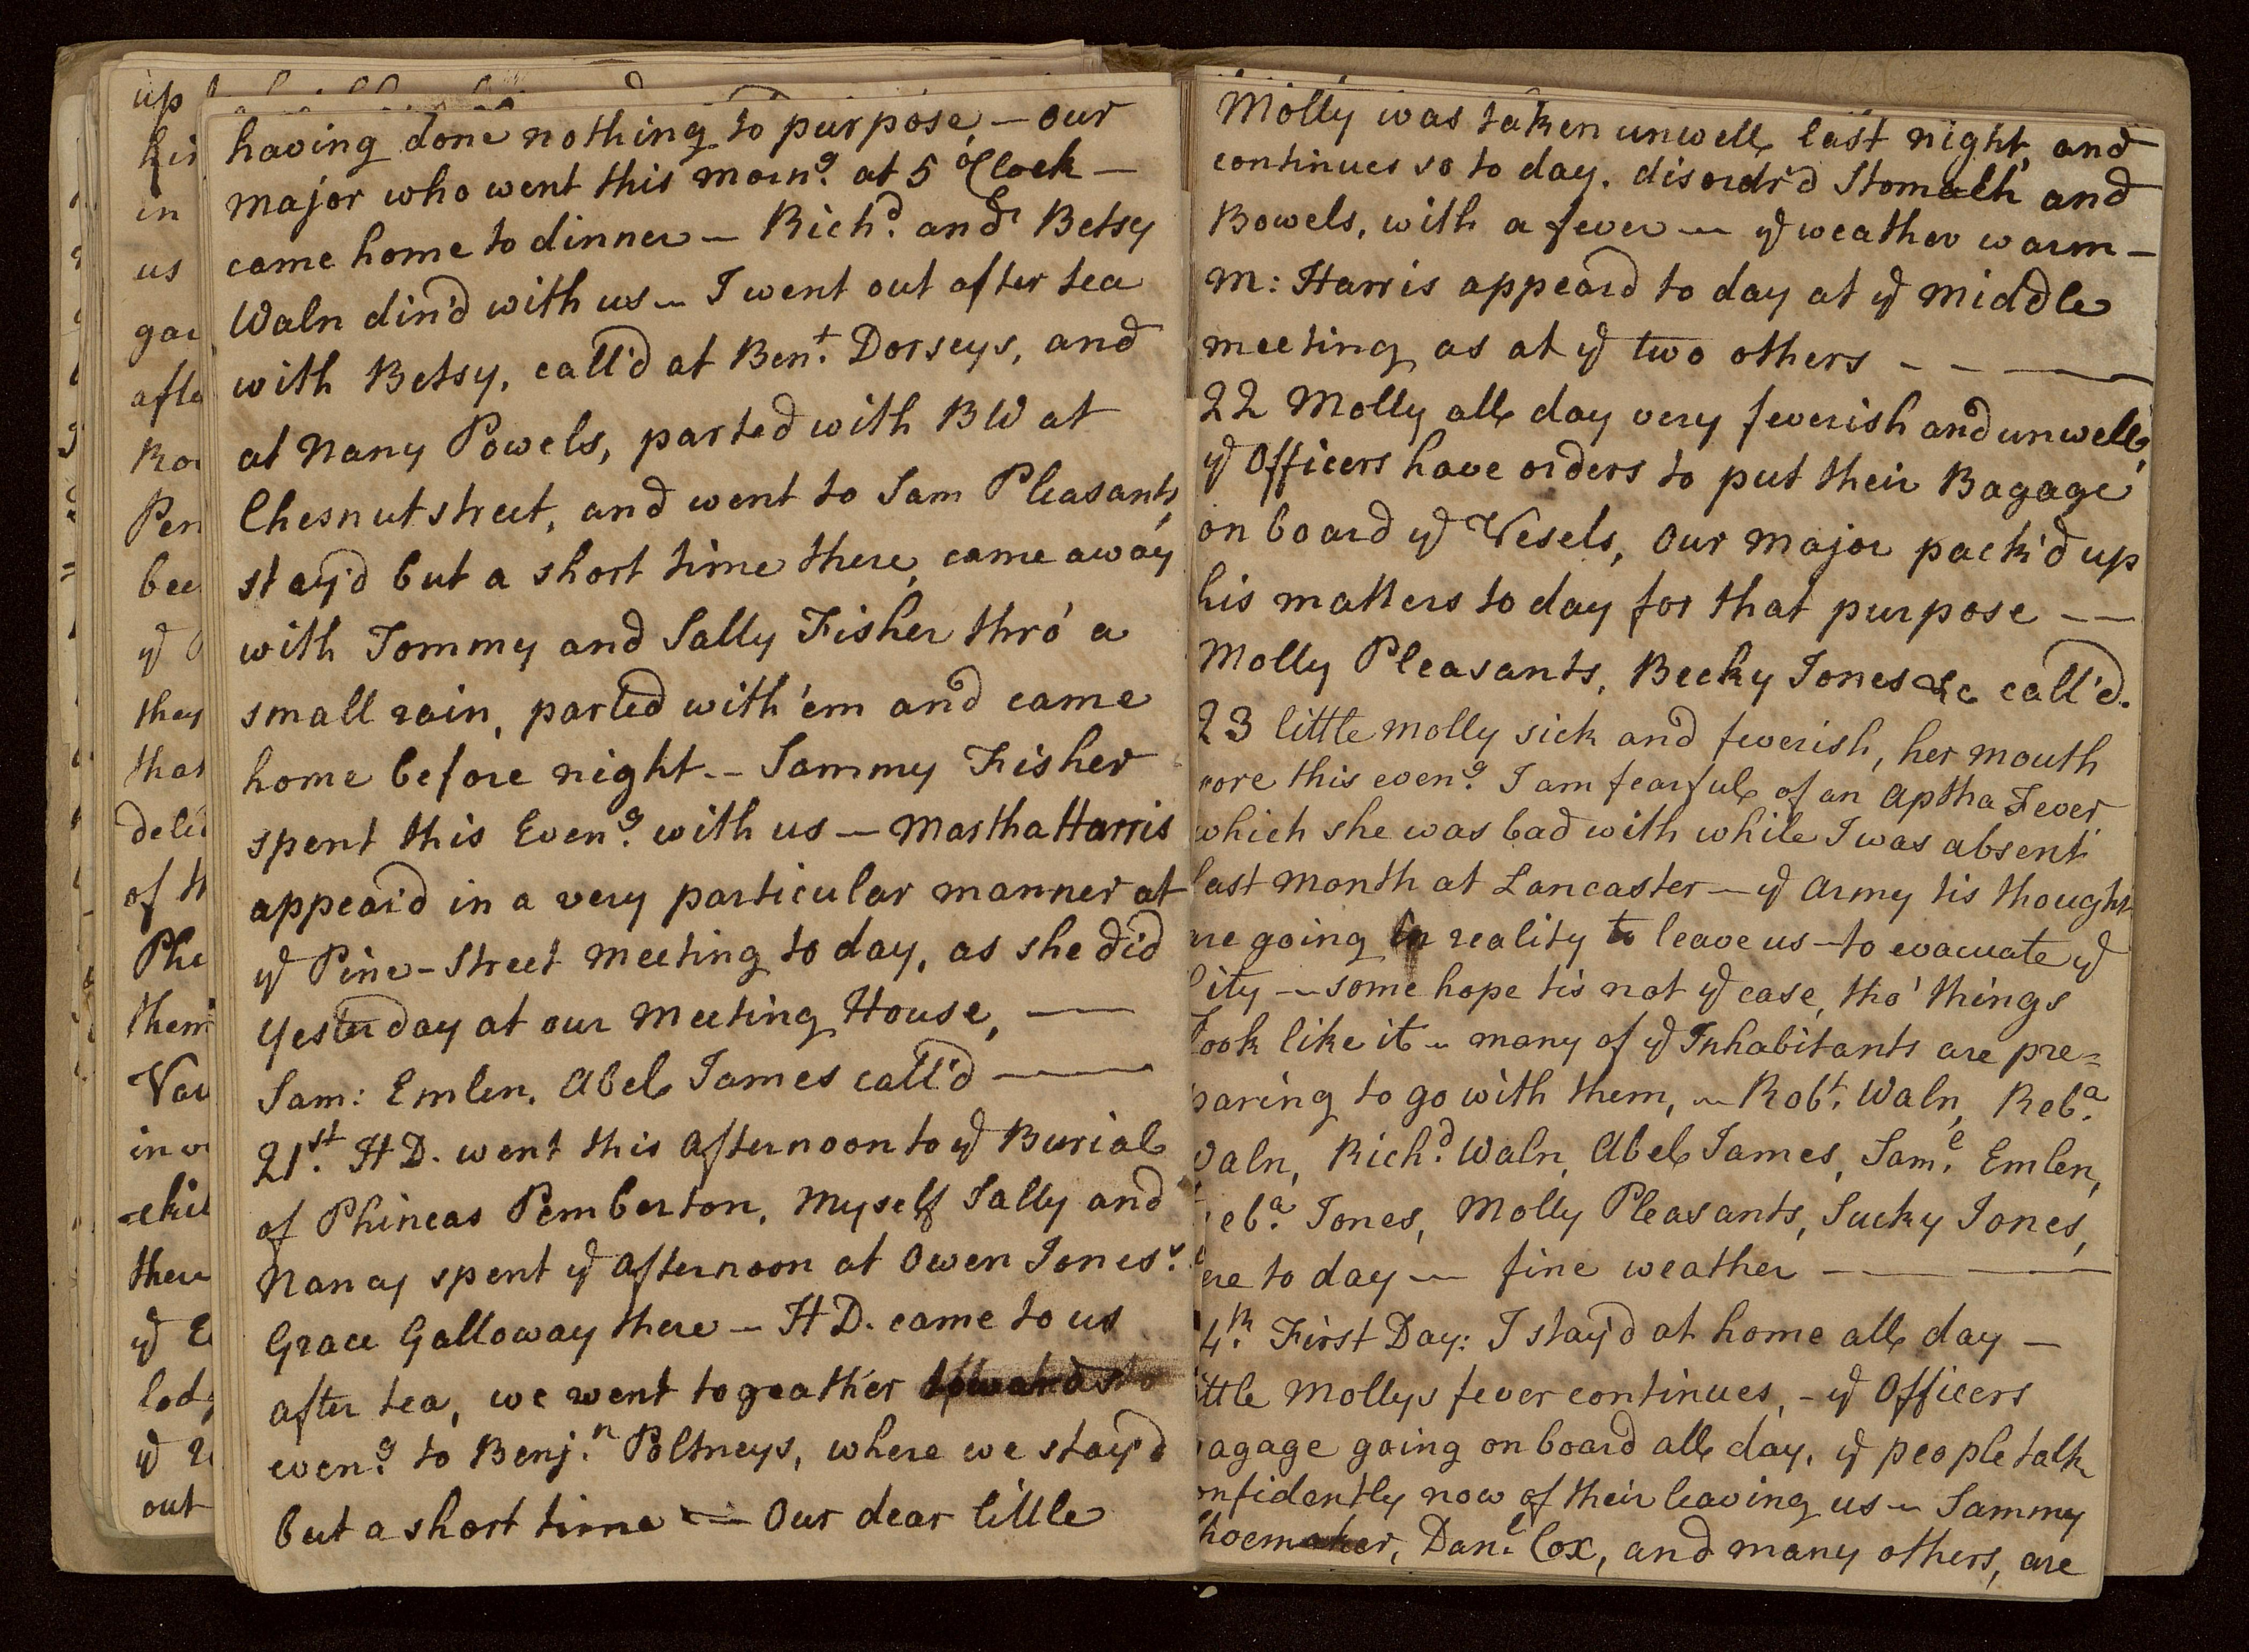having done nothing to purpose- our
major who went this morn^g. at 5 ^o Clock-
came home to dinner- Rich^d. and Betsy
Waln din'd with us- I went out after tea
with Betsy, call'd at Ben^t. Dorseys, and
at Nany Powels, parted with BW at
Chesnutstreet, and went to Sam Pleasants,
stay'd but a short time there, came away
with Tommy and Sally Fisher thro' a
small rain, parted with 'em and came
home before night-- Sammy Fisher
spent this Even^g. with us- Martha Harris
appear'd in a very particular manner at
y^e Pine- Street meeting today, as she did
Yesterday at our meeting House,-
Sam: Emlen. Abel James call'd-
21^st. HD went this afternoon to y^e Burial
of Phineas Pemberton, Myself Sally and
Nancy spent y^e afternoon at Owen Jones^s.
Grace Galloway there- H D. came to us
after tea, we went togeather towards
even^g. to Benj^n. Poltneys, where we stay'd
but a short time-- Our dear little
Molly was taken unwell last night, and
continues so to day, disordr'd Stomach and
Bowels, with a fever- y^e weather warm-
M: Harris appeard to day at y^e middle
meeting as at y^e two others---
22 Molly all day very feverish and unwell,
y^e Officers have orders to put their Bagage
on board y^e Vesels, our Major pack'd up
his matters to day for that purpose-
Molly Pleasants, Becky Jones &c call'd.
23 little molly sick and feverish, her mouth
sore this even^g. I am fearful of an Aptha Fever.
which she was bad with while I was absent
last month at Lancaster- y^e army tis thought
me going in reality to leave us- to evacuate y^e
City- some hope tis not y^e case, tho' things
look like it- many of y^e Inhabitants are pre-
paring to go with them, - Rob^t. Waln, Reb^a.
Waln, Rich^d Waln, Abel James, Sam^l. Emlen,
[_]eb^a. Jones, Molly Pleasants, Sucky J ones,
ere to day- fine weather
4^th. First Day: I stay'd at home all day
ittle mollys fever continues,- y^e Officers
agage going on board all day, y^e people talk
onfidently now of their leaving us- Sammy
Showmaker, Dan^l. Cox, and many others, are